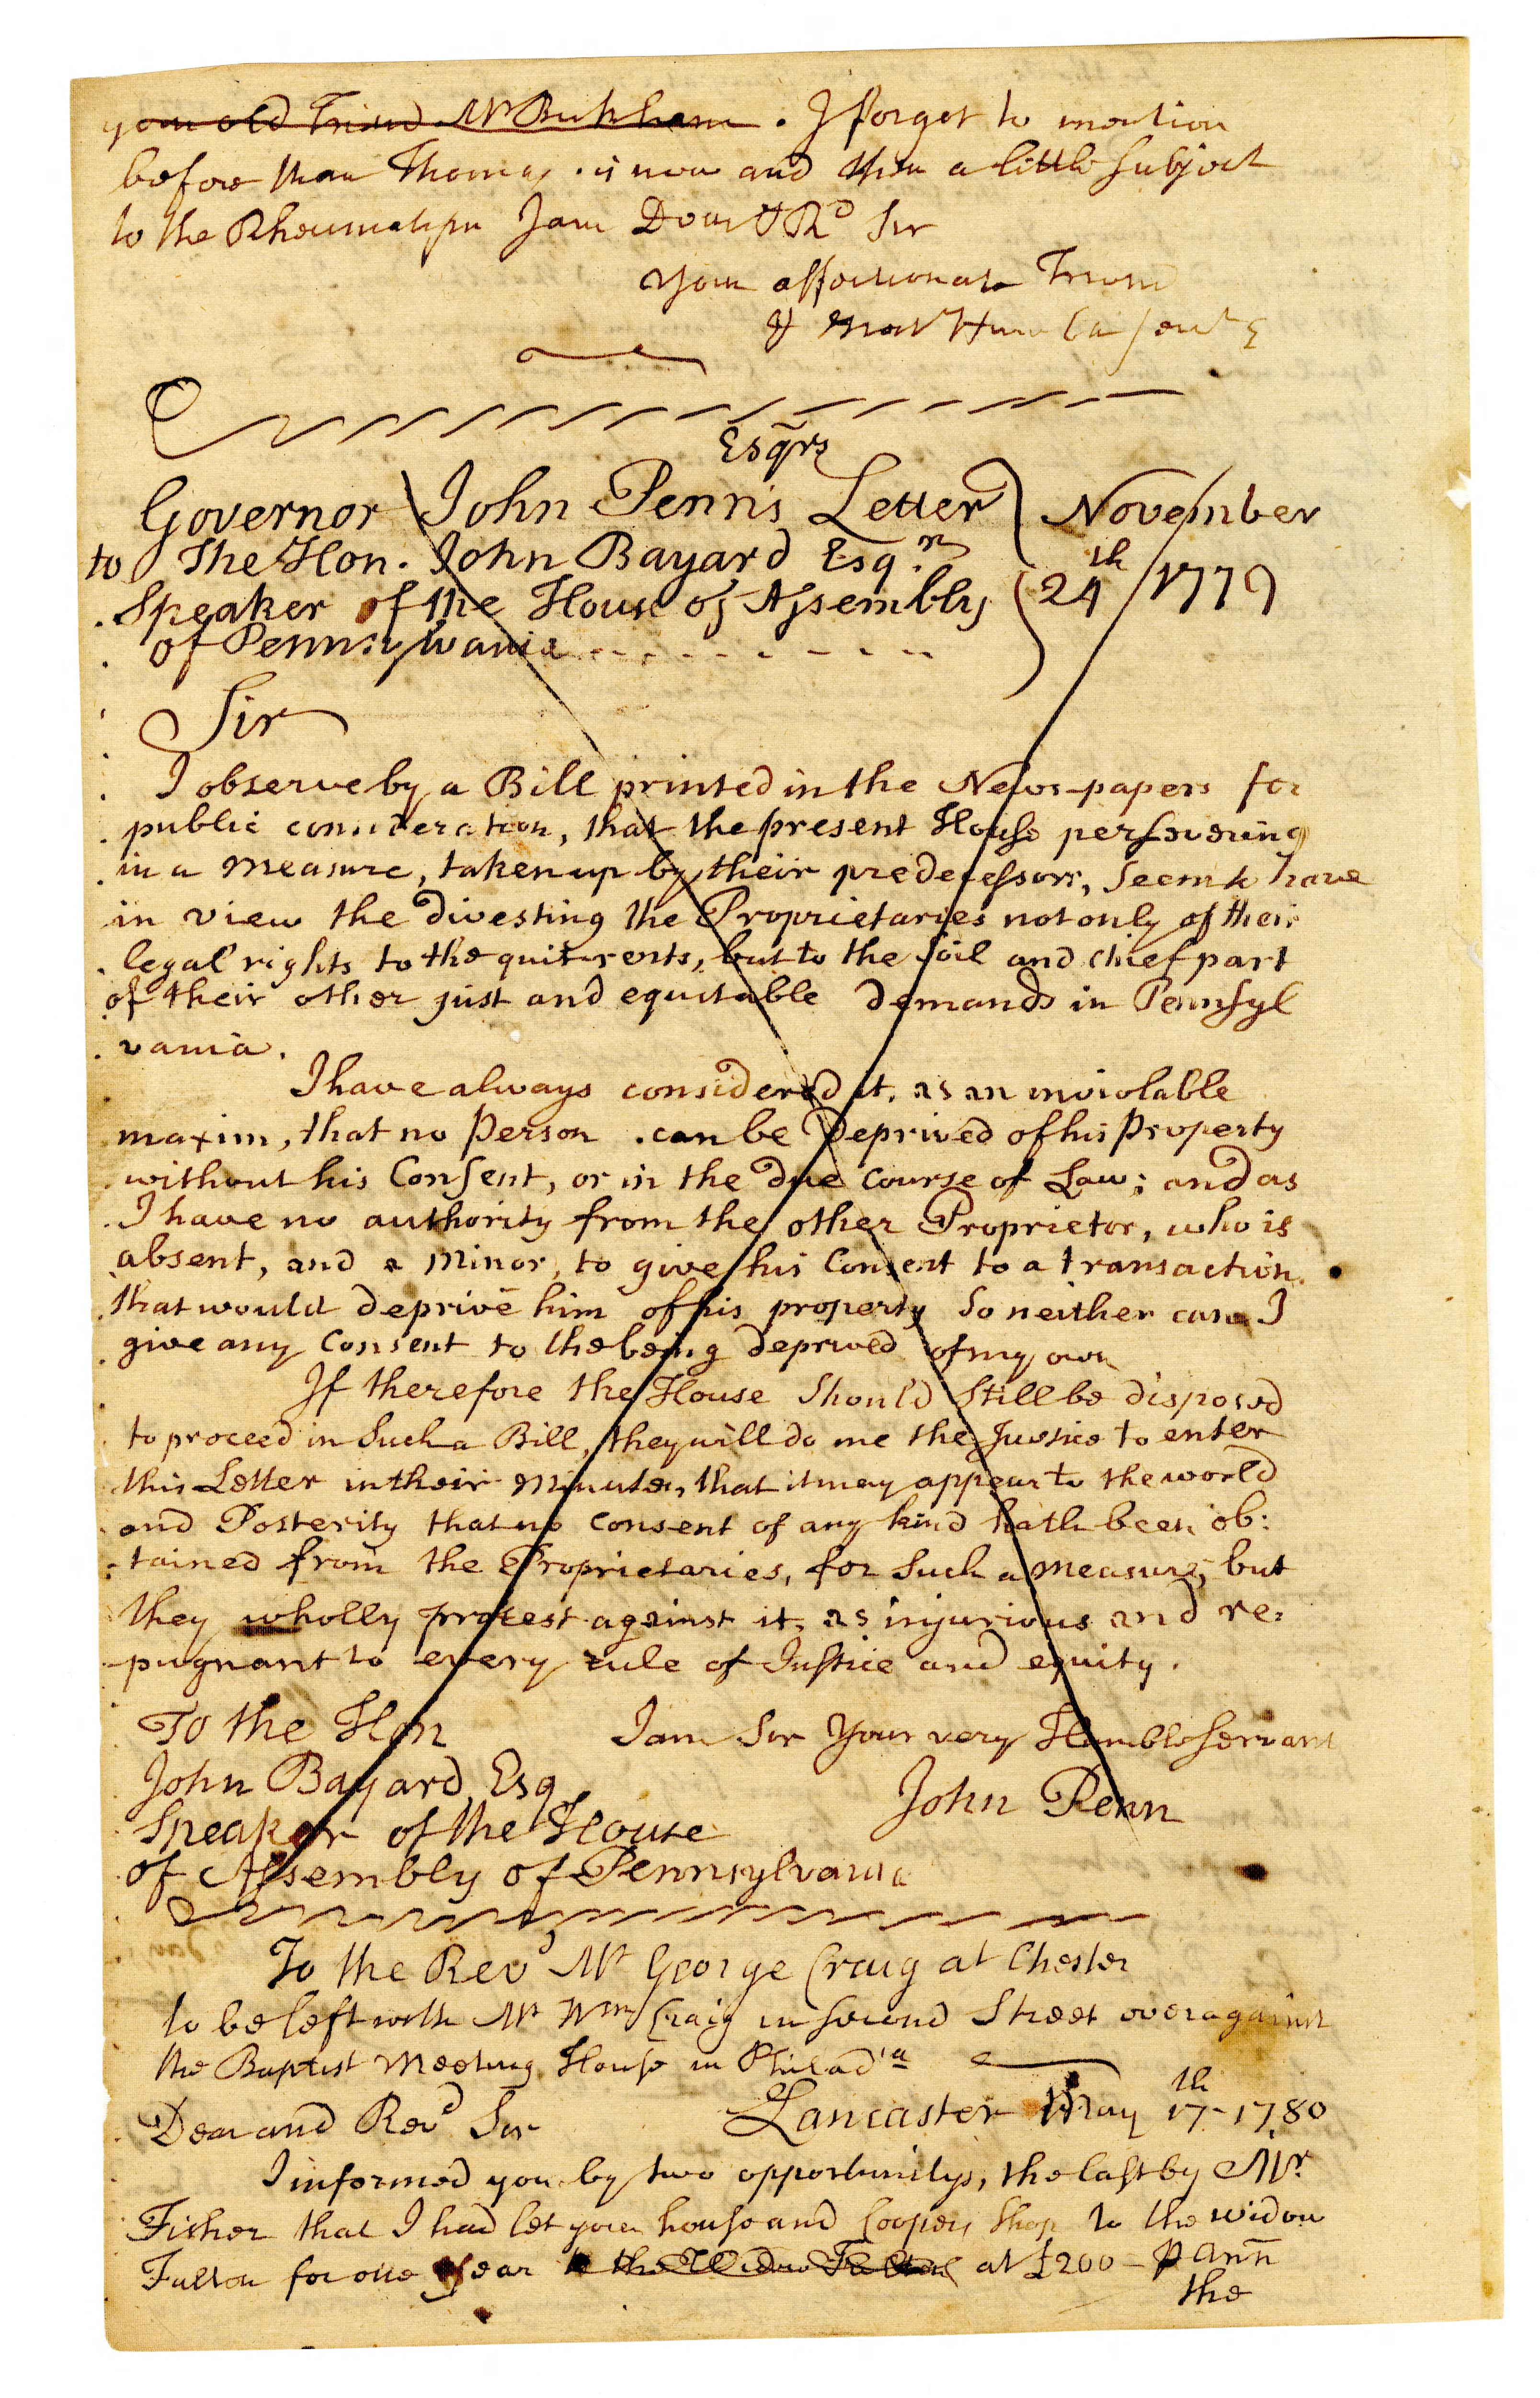[your old Friend M^r Bickham.] I forgot to mention
before then Thomas is now and then a little subject
to the Rheumatism
I am Dear & R^d Sir
Your affectionate Friend
& Most Humble Serv^t E
Esq^r
Governor John Penn's Letter
November
to The Hon. John Bayard Esq^r.
Speaker of the House of Assembly
24^th 1779
of Pennsylvania---------
Sir
I observe by a Bill printed in the Newspapers for
public consideration, that the present House persevering
in a Measure, taken up by their predecessor, Seem to have
in view the divesting the Proprietaries not only of their
legal rights to the {quit} rents, but to the Soil and chief part
of their other just and equitable demands in Pennsyl
-vania.
I have always considered it, as an enviable
maxim, that no Person can be Deprived of his Property
without his ConSent, or in the due Course of Law; and as
I have no authority from the other Proprietor, who is
absent, and a Minor, to give his Consent to a transaction.
that would deprive him of his property So neither can I
give any Consent to the being deprived of my on
If therefore the House Should still be disposed
to proceed in such a Bill, they will do me the Justice to enter
this Letter in their Minutes, that it may appear to the world
and Posterity that no consent of any kind hath been ob:
-tained from the Proprietaries, for such a measure, but
they wholly protest against it, as injurious and re:
-pugnant to every rule of Justice and equity.
I am Sir Your very Humble servant
John Penn
To the Hon
John Bayard, Esq
Speaker of the House
of Assembly of Pennsylvania
To the Rev^d M^r George Craig at Chester
to be left with M^r W^m Craig in Second Street over against
the Baptist Meeting House in Philad^a.
Dear and Rev^d Sir
Lancaster May 17^th- 1780
I informed you by two opportunitys, the last by M^r.
Fisher that I had let your house and Coopers Shop to the Widow
Fulton for one year [the Widow Fulton] at £200- per Ann
the